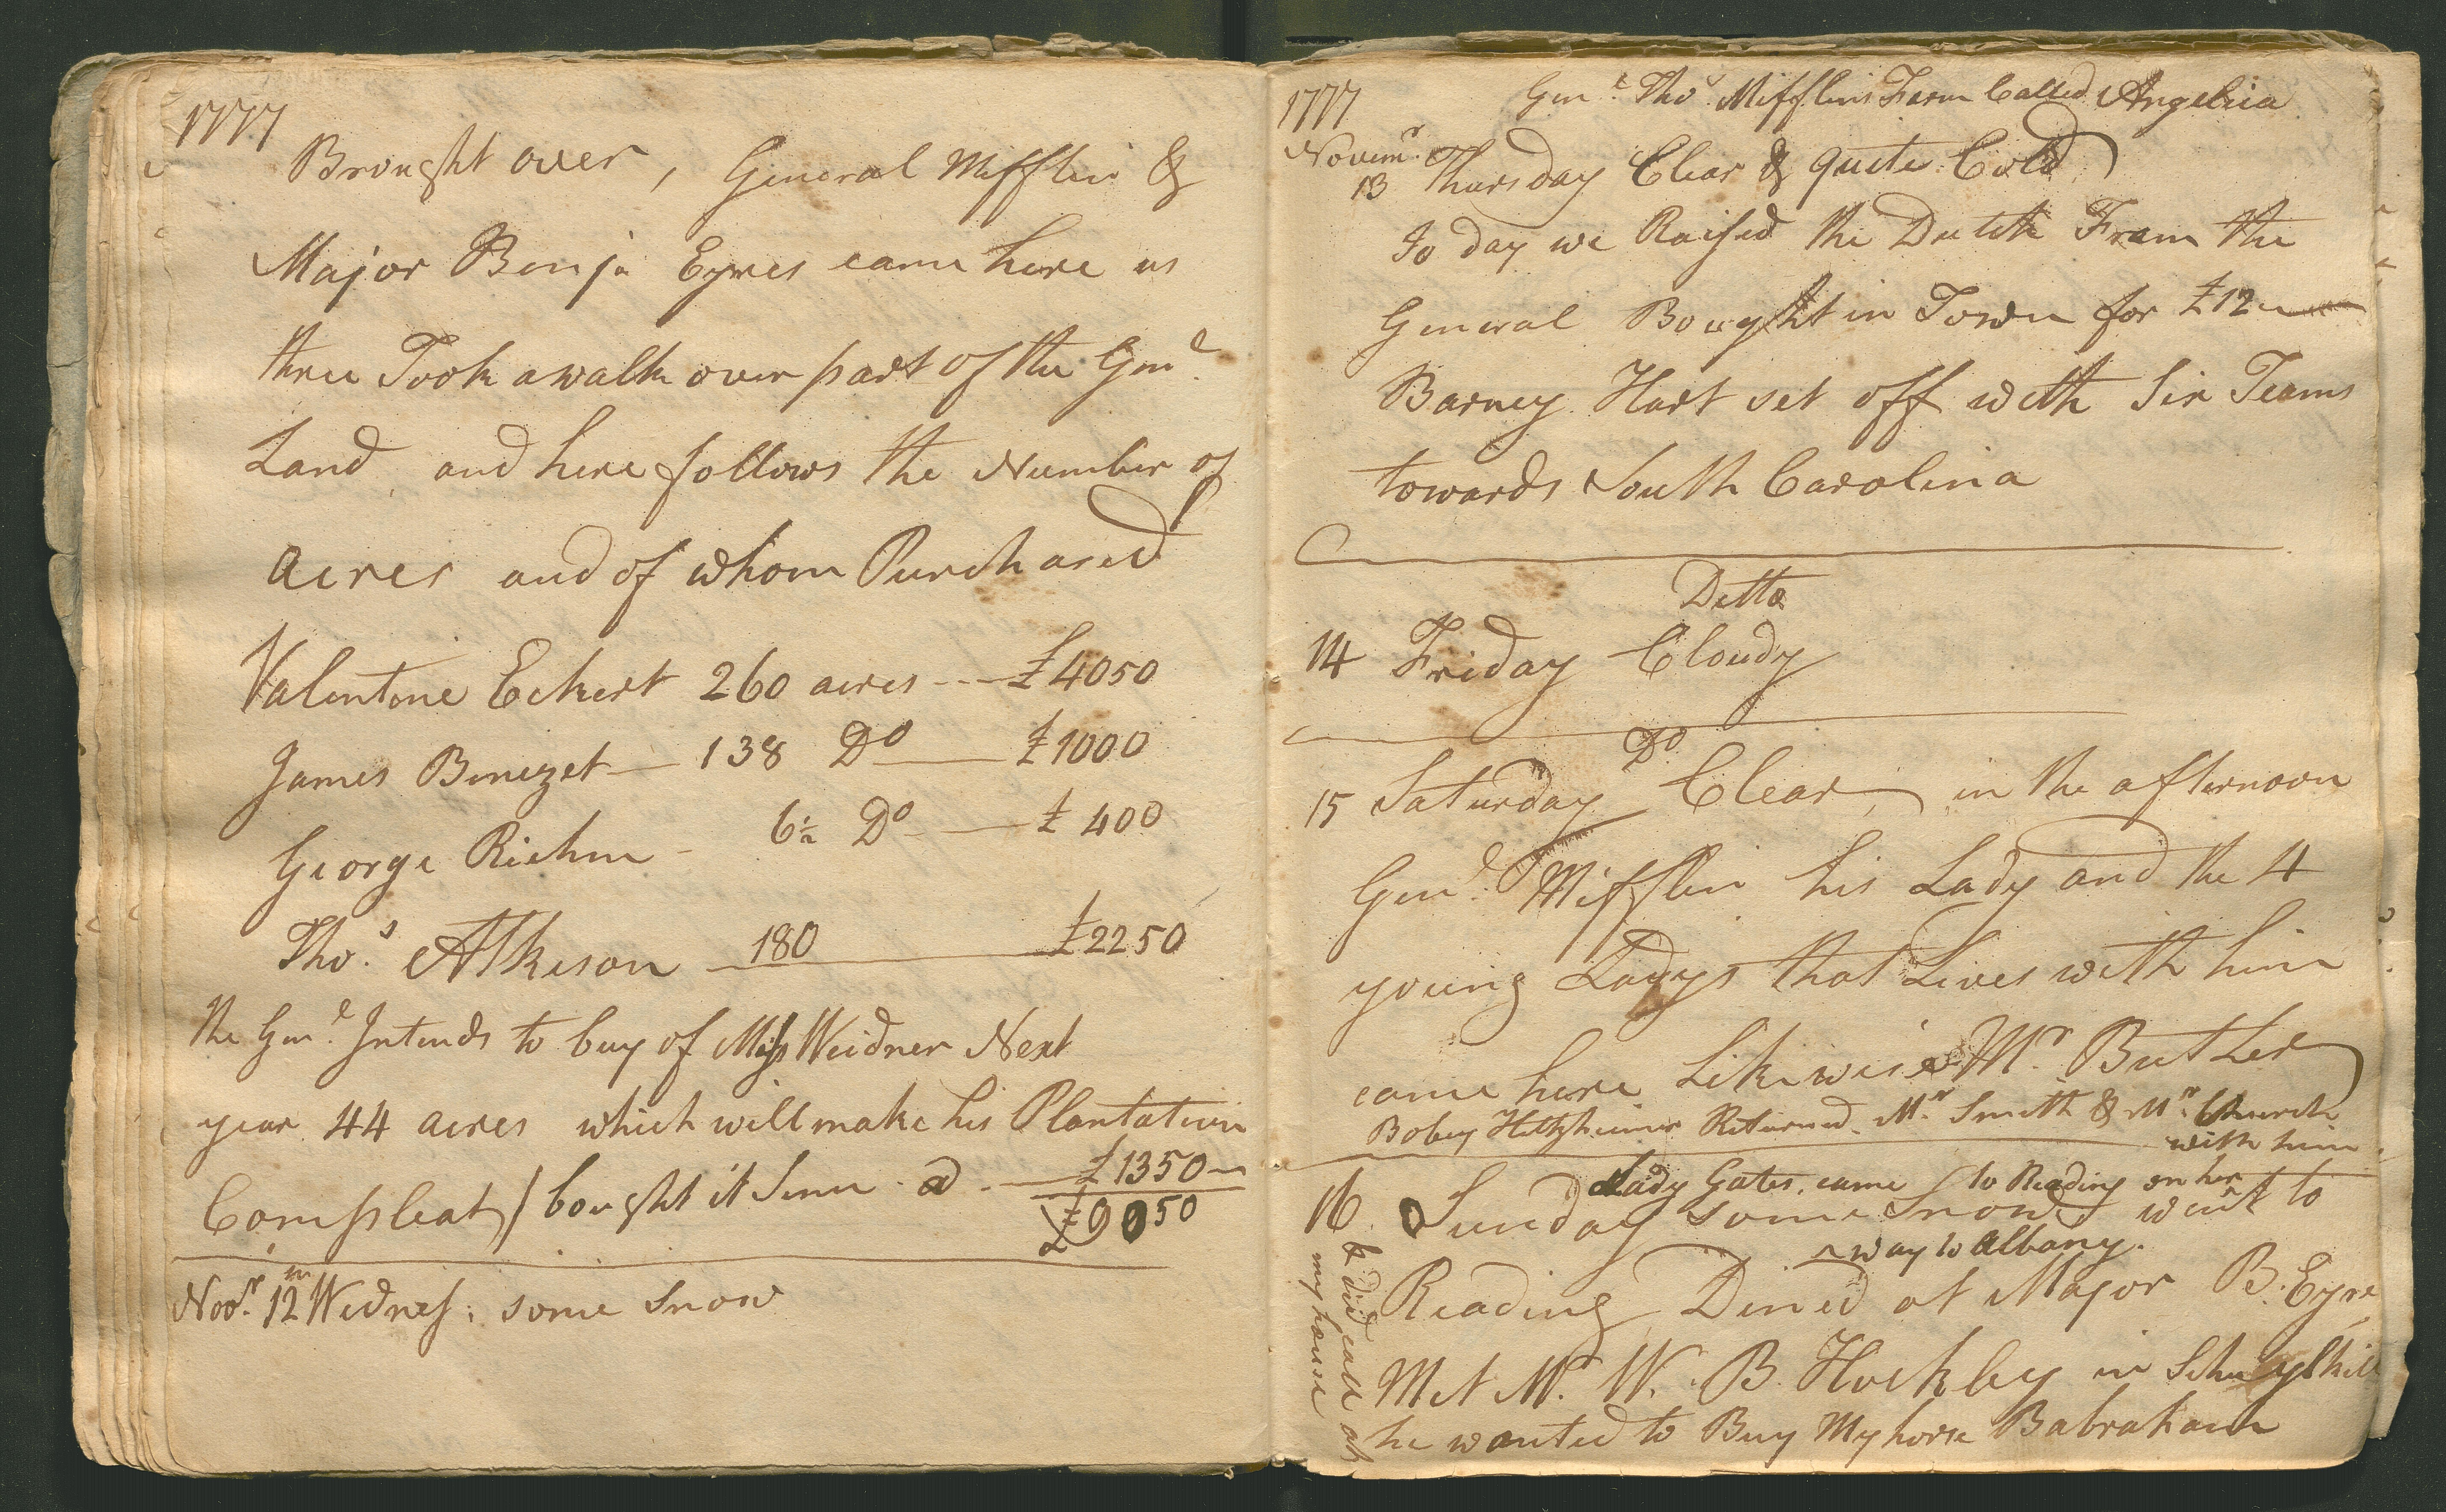1777
Brought over, General Mifflin &
Major Benha. Eyres came here us
three Took a walk over part of the Gen^l.
Land and here follows the Number of
acres and of whom Purchased
Valentine Eckert 260 acres £4050
James Benezet 138 D^o- £1000
George Richer
6 1/2 D^o £400
Tho^s. Alkeson 180
£2250
the Gen^l. Intends to buy of Miss Weidner Next
year 44 acres which will make his Plantation
Compleat / bought it Since @ £1350-
£9050
Nov^r. 12^th Wednes. some snow
1777
Gen^l. Tho^s. Mifflins Farm Called Angelica
Novem^r. of
13 Thursday Clear & quite Cold
To day we Raised the Dutch Fram the
General Bought in Town for £12-
Barney Hart set off with Six Teams
towards South Carolina
Ditto
14 Friday Cloudy
15 Saturday Clear in the afternoon
Gen^l. Mifflin his Lady and the 4
young Ladys that Lives with him
came here Likewise M^r. Butler
Bobey Hiltzheimer Returned M^r. Smith & M^r. Church
with him
Lady Gates, came to Reading on her
16 Sunday some Snow went to
way to Albany.
Reading Dined at Major B. Eyre
Met M^r. W. B Hockley in Schuylhill
he wanted to Buy My horse Babraham
& did call at
my house